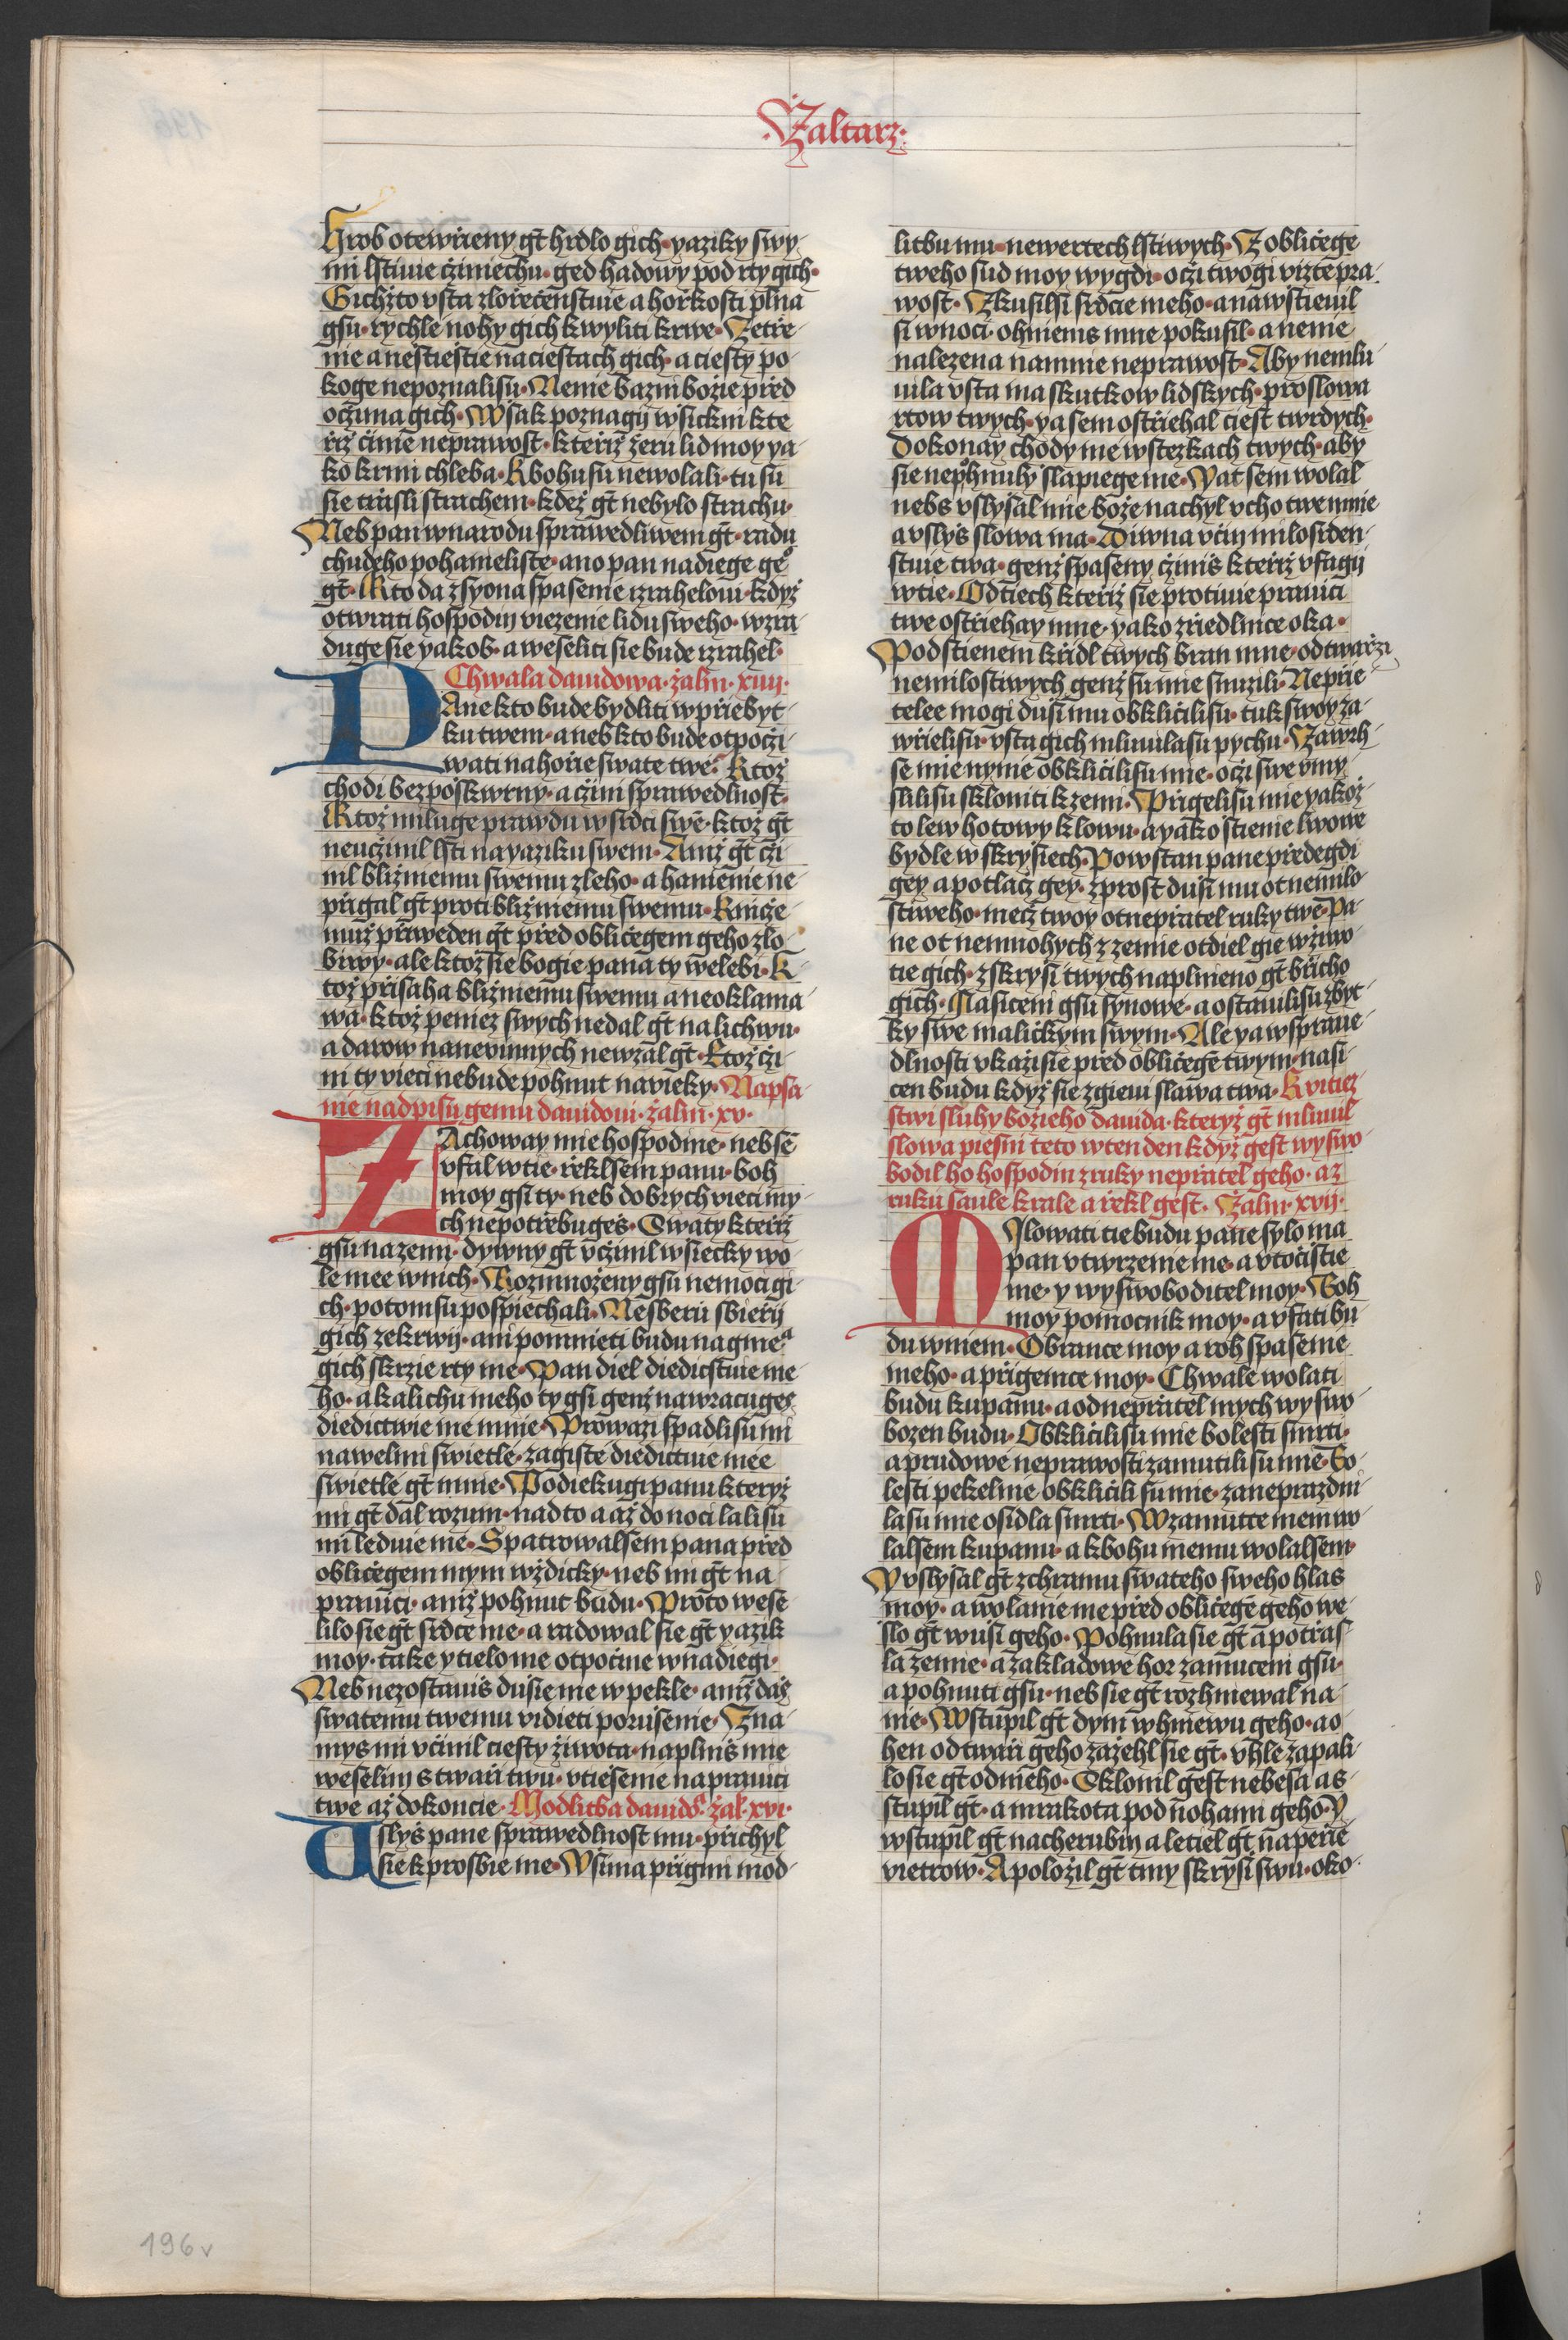Hrob otewṙieny ḡt hrdlo gich.yaziky ſwy¬
mi lſtivie cžiniechu.ged hadowy pod rty gich.
Gichżto uſta zloṙeċenſtvie a hoṙkoſti plna
gſu.rychlé nohy gich kwylití krwe.Zetṙe¬
nie a neẛtieẛtie na cíeſtach gich.a cíeſty po¬
koge nepoznaliſu.Neníe bazni bożie pṙed
ocżima gich.Wẛak poznagij wẛickni kte¬
ṙiż ċinie neprawoſt.kteṙiż żerú lid moy ya¬
ko krmi chleba.K bohu ſu newolali.tu ſu
ſie tṙaſli ſtrachem.kdeż ḡt nebylo ſtrachu.
Neb pan wnarodu ſprawedliwem ḡt.radu
chudeho pohanieliſte.ano pan nadiege geo
ḡt.Kto da zſyona ſpaſeníe izrahelovi.kdyż
otwrati hoſpodin viezeníe lidu ſweho.wzra¬
duge ſie yakob.a weſeliti ſie bude izrahel.
Chwala davidowa.żalm.xiiij.
Ane kto bude bydliti wpṙíebyt¬
ku twem.a neb kto bude otpocżi¬
wati nahoṙie ſwate twé.Ktoż
chodí bezpoẛkwrny.a cżiní ſprawedlnoſt.
Ktoż miluge prawdu w ſrdci ſwē.ktoż ḡt
neucżinil lſti na yaziku ſwem.Aniż ḡt cżi¬
nil bliżniemu ſwemu zleho.a hanienie ne¬
pṙigal ḡt proti bliżníemu ſwemu.Knicże¬
muż pṙiweden ḡt pṙed obliċegem geho zlo¬
biwy.ale ktož ſie bogie pana ty welebí.K¬
tož pṙiſaha bližniemu ſwemu a neoklama¬
wa.ktoż peniez ſwych nedal ḡt na lichwu.
a darow nanevinnych newzal ḡt.Ktoż cżi¬
ni ty vieci nebude pohnut navieky.Napſa¬
nie u gemu davidovi.żalm.xv.
Achoway mie hoſpodine.neb ſē
ufal w tie.ṙeklſem panu.boh
moy gſi ty.nebo dobrych viecí my¬
ch nepotṙebugeṡ.Swaty kteṙiż
gſu na zemi.dywny ḡt ucżinil wẛiecky wo¬
le mee wnich.Rozmnożeny gſu nemoci gi¬
ch.potom ſu poſpiechali.Neſberu ſbieṙij
gich zekrwij.ani pomnieti budu na gmea
gich ſkrzie rty me.Pan diel diedicſtvie me¬
ho.a kalichu meho ty gſi genż nawracuges
diedictwie iné mnie.Prowazi ſpadliſu mi
na welmi ſwietlé.zagiſté diedictvie mée
ſwietlé ḡt mnie.Podiekugi panu kteryż
mi ḡt dal rozum.nad to a aż do noci lali ſu
mi leduíe me.Spatrowalſem pana pṙed
obličegem mym wżdicky.neb mi ḡt na¬
pravici.aniż pohnut budu.Proto weſe¬
lilo ſie ḡt ſrdce me.a radowal ſie ḡt yazik
moy.take y tielo me otpocżne wnadiegi.
Neb nezoſtavíṡ duẛie me w pekle.aniż daṡ
ſwatemu twemu vidieti poruẛeníe.Zna¬
mys mi uċinil cieſty żiwota.naplniṡ me
weselim s twaṙí twu.utieẛeíe na pravici
twe aż dokoncie.Modlitba davidoa.žal.xvi.
ſlyṡ pane ſprawedlnoſt mu.pṙichyl
ſie bie me.Uẛima pṙigmi mod¬
.Żaltarz.
litbu mu.newertech lſtiwych.Z obliċege
tweho ſud moy wygi.ocżi twogi vizte pra¬
woſt.Zkuſilſi ſrdcie meho.a nawẛtievil
ſi wnoci.ohniems mne pokuſil.a neníe
nalezena namnie neprawoſt.Aby nemlu¬
vila uſta ma ſkutkow lidſkych.proſlowa
rtow twych.yaſem oſtṙiehal cieſt twrdych.
Dokonay chody mé wſtezkach twych.aby
ſie nepohnuly ẛlapiege me.Yat ſem wolal
Nebs uſlyẛal mie bože nachyl ucho twe umie
a uſlyṡ ſlowa ma.Diwna uċin miloſrden¬
ſtwíe twa.genż ſpaſeny cżiníṡ kteṙiż ufagij
wtie.Odtiech kteṙíż ſie protivie pravici
twe oſtṙiehay mne. yako zṙiedlnice oka.
Pod ſtíenem kṙidl twych bran mne.odtwarżi
nemiloſtiwych genż ſu mie ſnuzili.Nepṙie¬
telee mogi duẛi mu obkliċiliſu.tuk ſwoy za¬
wṙíeliſu.uſta gich mluwilaſu pychu.Zawrh¬
ſe mie nunie obkliċili u mie.ocżi ſwe viny
ſliliſu ſkloniti k zemi.Pṙigeliſu mie yakoż¬
to lew hotowy k lowu.a yako ẛtienie lwowe
bydle w ſkryẛiech.Powſtan pane pṙedegdi
gey a potlacż gey.zproſt duẛi mu ot nemilo¬
ſtiweho.mecż twoy otnepṙatel ruky twe.Pa¬
ne ot nemnohych z zemie otdiel gie wżiwo¬
tie gich.zſkryẛi twych naplnieno ḡt bṙicho
gich.Naſiceni gſu ſynnowé.a ostaviliſu zbyt¬
ky ſwe maliċkym ſwym.Ale ya wſprave¬
dlnoſti ukażiſie pṙed obliċegē twym.naſi
ceen budu kdyż ſie zgieví ſlawa twa.K vitiez¬
ſtwi ſluhy bożielo davida.kteryż ḡt mluvil
ſlowa pieſni teto wten den kdyż geſt wyſwo¬
bodil ho hoſpodin z ruky nepṙatel geho.a z
ruku ſaule krale a ṙekl geſt.Żalm.xvij.
Ylowati tie budu pane ſylo ma
pan utwrzenie me.a utoċiẛtie
me. y wyſwoboditel moy.Boh
moy pomocník moy.a ufati bu¬
du w niem.Obrance moy a roh ſpaſeníe
meho.a pṙígemce moy.Chwale wolati
budu ku panu.a odnepṙatel mych wyſwo¬
bozen budu. Obkliċili ſu u mie boleſti ſmrti.
A prudowé neprawoſti zamutili ſtu me.Bo¬
leſti pekelné obkliċili ſu mie.zaneprazdni¬
laſu mie oſidla ſmrti.Wzamutce mem wo¬
lalſem kupanu.a kbohu memu wolalſem.
Y uſlyẛal ḡt zchramu ſwateho ſweho hlas
moy.a wolanie me pṙed obliċegē geho we¬
ſlo ḡt wuẛi geho.Pohnula ſie ḡt a potṙaſ¬
la zemie.a zakladowé hor zamuceni gſu.
a pohnuti gſu.neb ſie ḡt rozhniewal na¬
nie.Wſtupil ḡt dym whniewu geho.a o¬
hen od twaṙi geho zażehl ſie ḡt. uhle zapali¬
lo ſie ḡt odnieho.Zklonil geſt nebeſa a s¬
ſtupil ḡt.a mrakota pod nohami geho.Y¬
wſtupil ḡt na cherubin a letiel ḡt napeṙíe
vietrow.A položil ḡt tmy ſkryẛi ſwu.oko¬